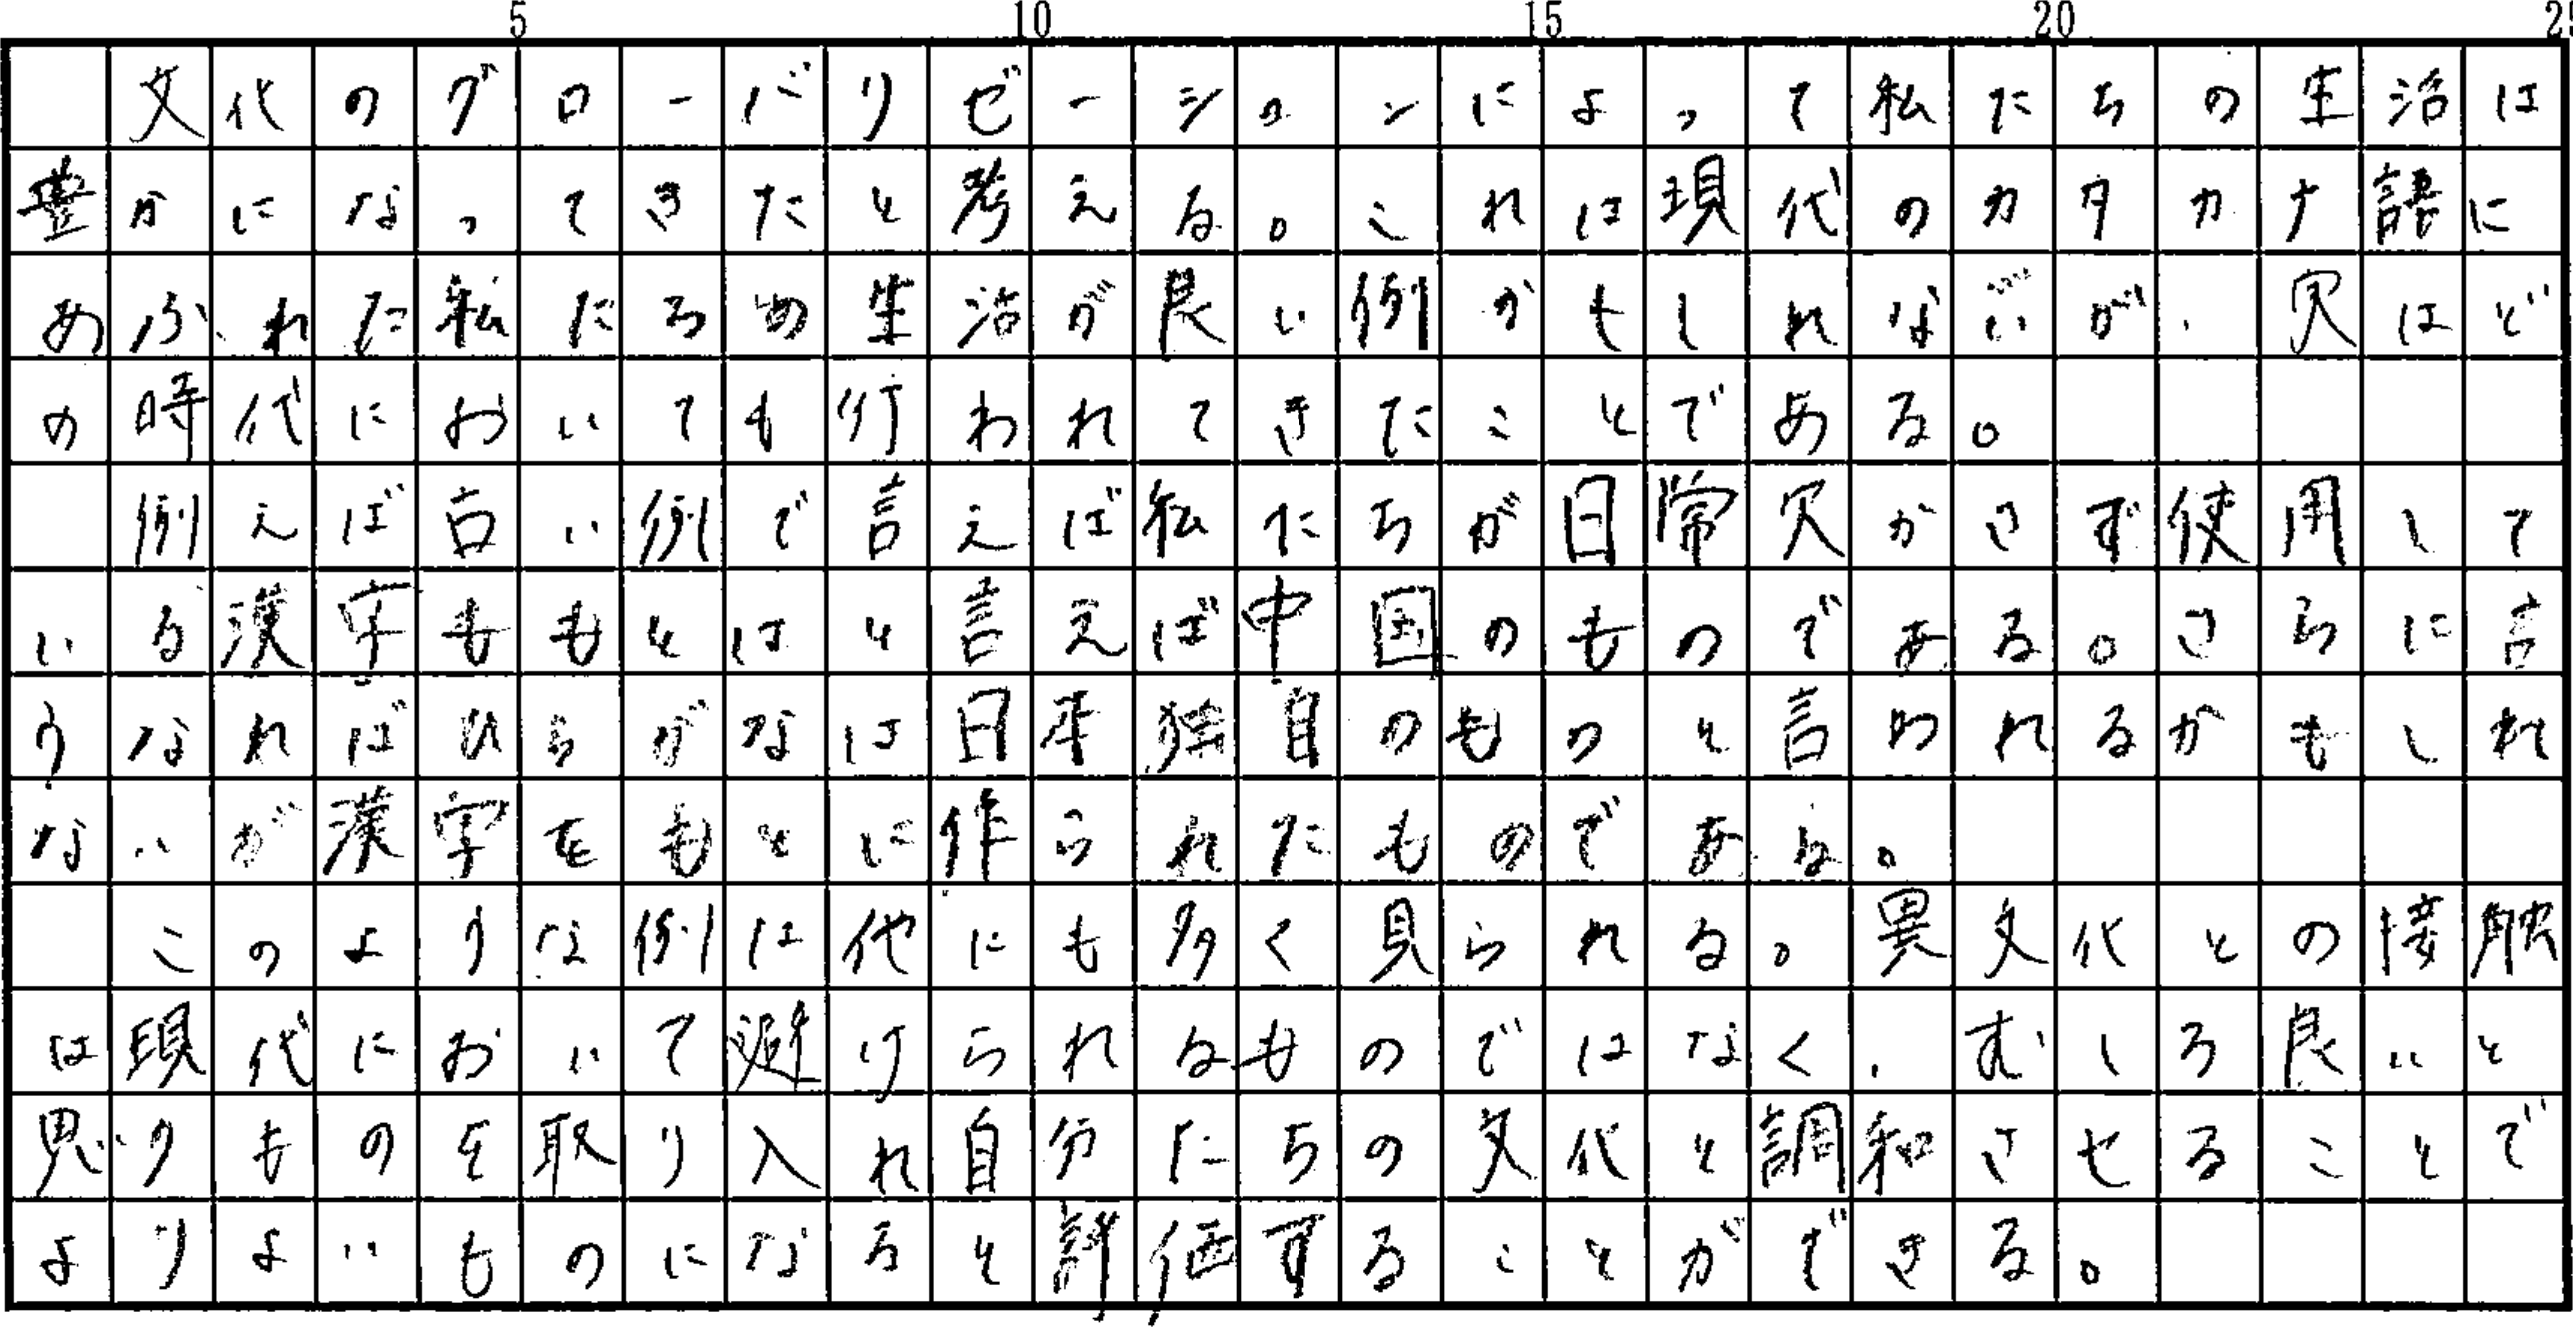　文化のグローバリゼーションによって私たちの生活は豊かになってきたと考える。これは現代のカタカナ語にあふれた私たちの生活が良い例かもしれないが、実はどの時代においても行われてきたことである。
　例えば古い例で言えば私たちが日常欠かさず使用している漢字ももとはと言えば中国のものである。さらに言うなればひらがなは日本独自のものと言われるかもしれないが漢字をもとに作られたものである。
　このような例はほかにも多く見られる。異文化との接触は現代において避けられるものではなく、むしろ良いと思うものを取り入れ自分たちの文化と調和させることでよりよいものになると評価することができる。
